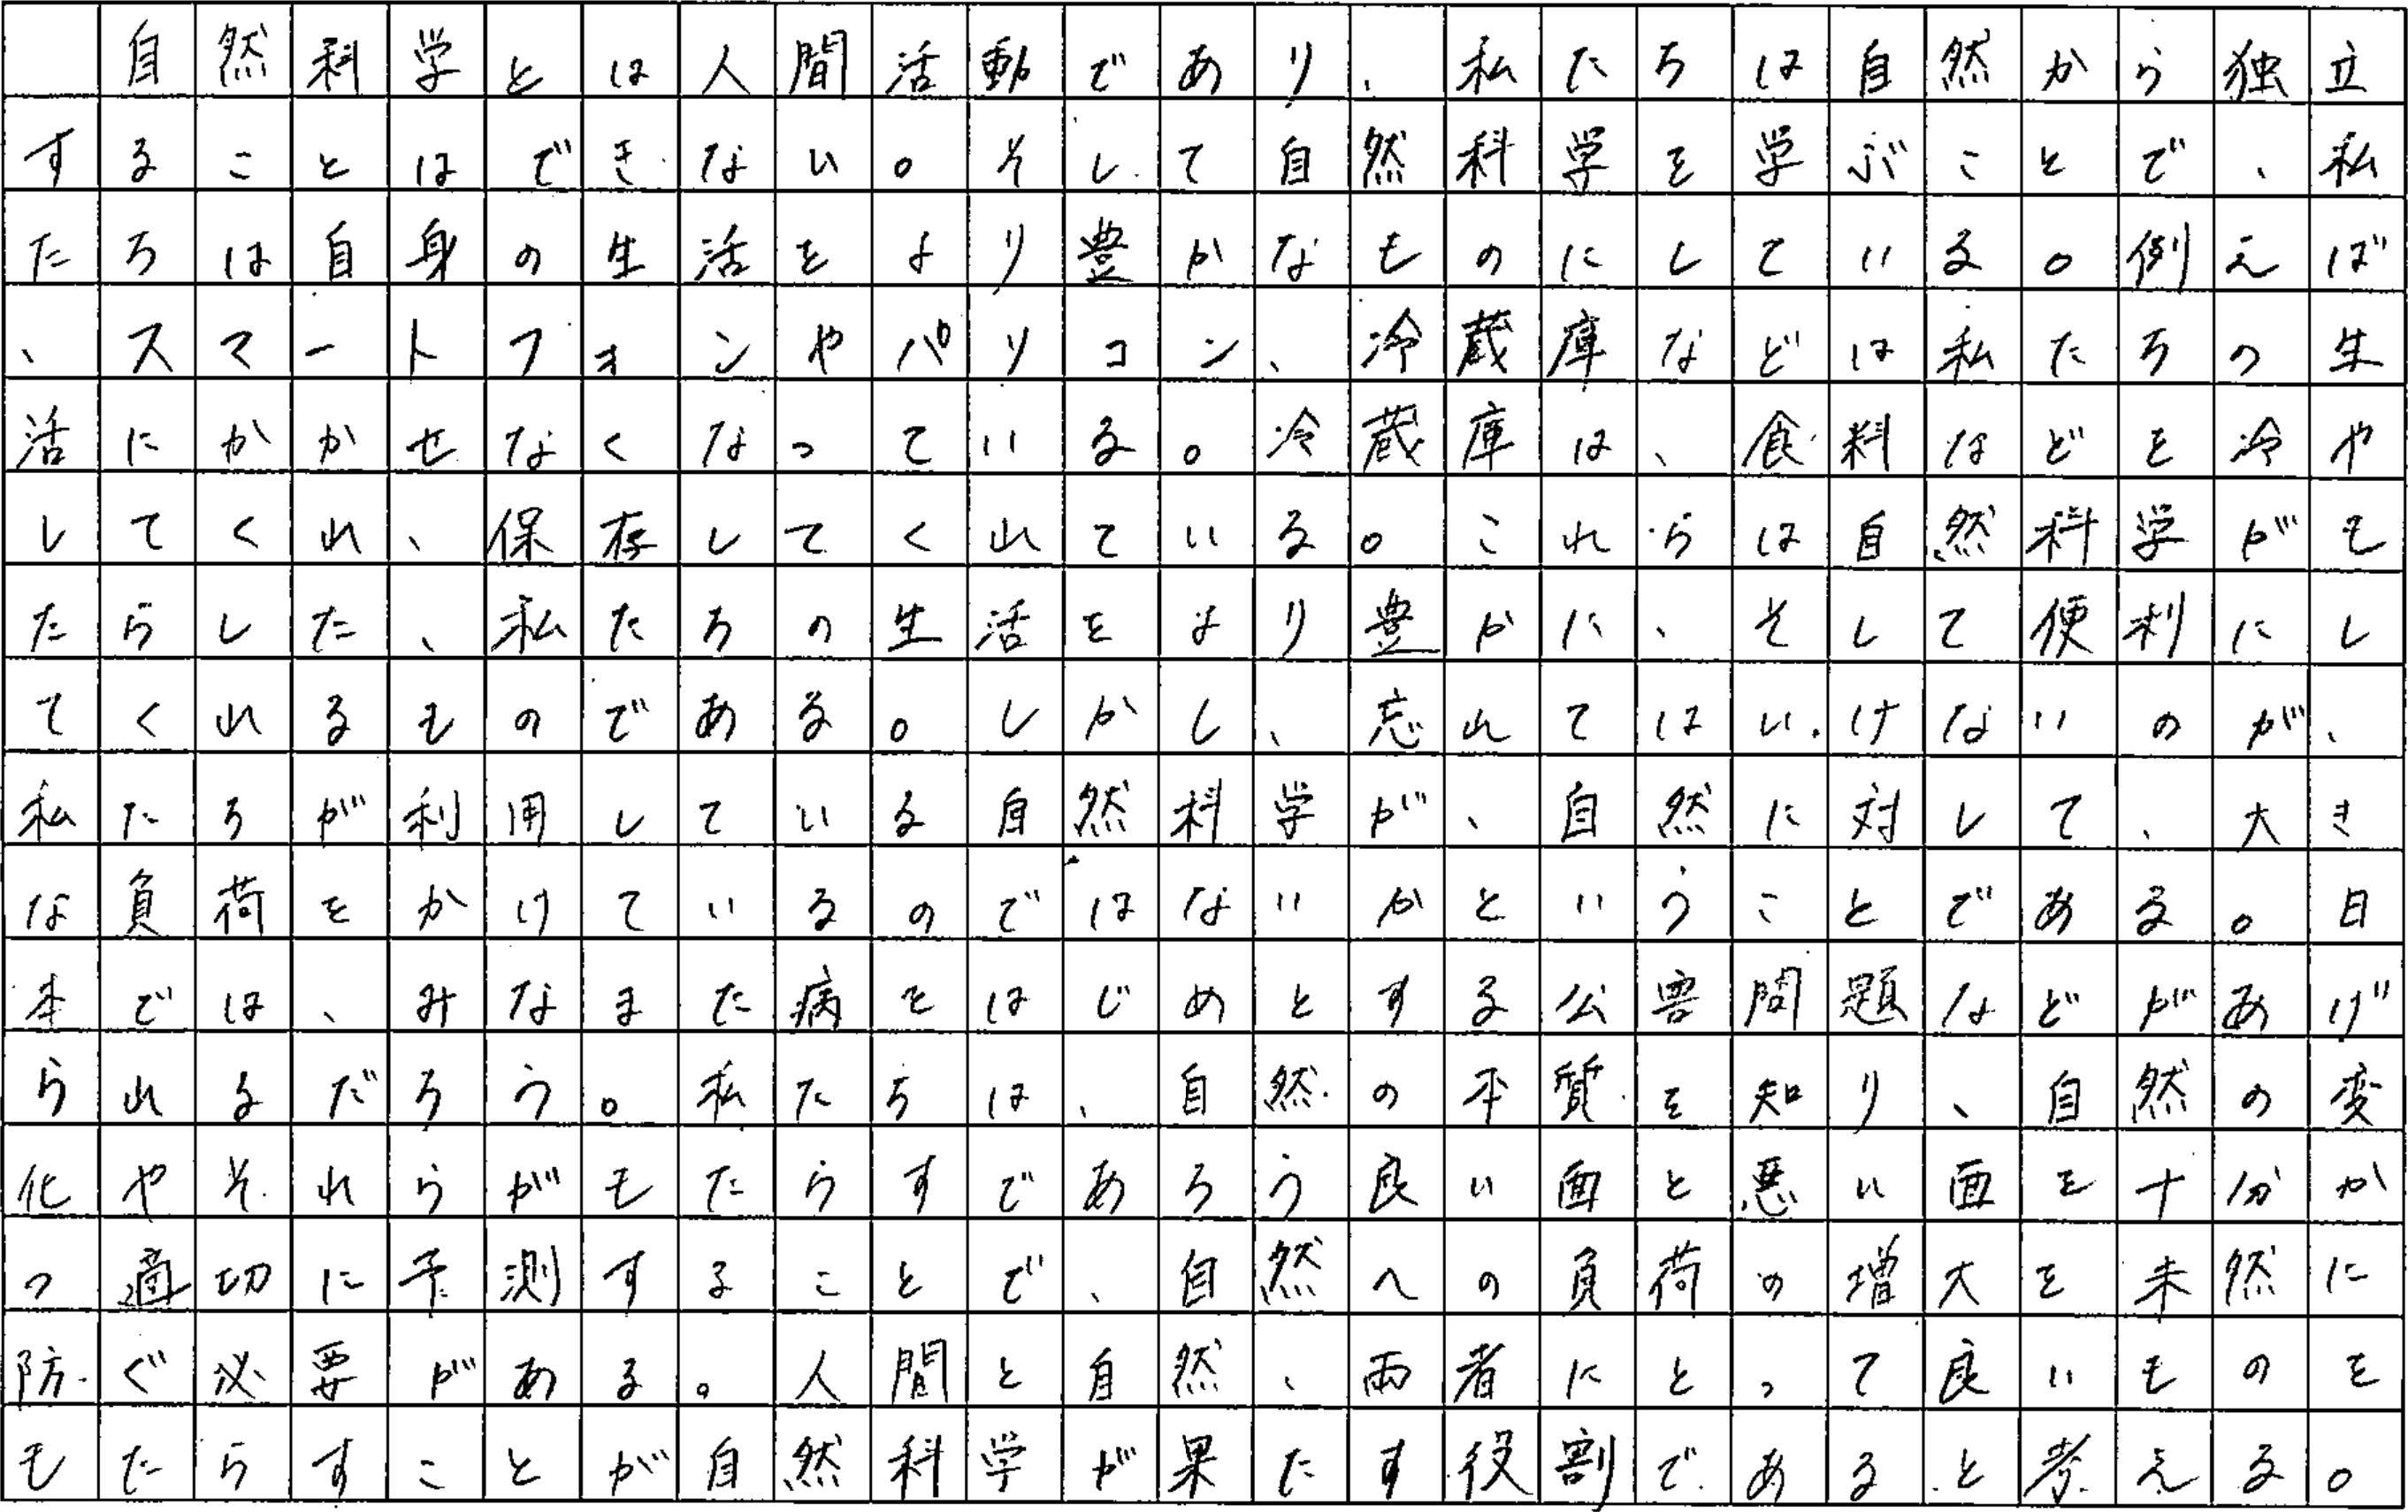　自然科学とは人間活動であり、私たちは自然から独立することはできない。そして自然科学を学ぶことで、私たちは自身の生活をより豊かなものにしている。例えば、スマートフォンやパソコン、冷蔵庫などは私たちの生活にかかせなくなっている。冷蔵庫は、食料などを冷やしてくれ、保存してくれている。これらは自然科学がもたらした、私たちの生活をより豊かに、そして便利にしてくれるものである。しかし、忘れてはいけないのが、私たちが利用している自然科学が、自然に対して、大きな負荷をかけているのではないかということである。日本では、みなまた病をはじめとする公害問題などがあげられるだろう。私たちは、自然の本質を知り、自然の変化やそれらがもたらすであろう良い面と悪い面を十分かつ適切に予測することで、自然への負荷の増大を未然に防ぐ必要がある。人間と自然、両者にとって良いものをもたらすことが自然科学が果たす役割であると考える。
